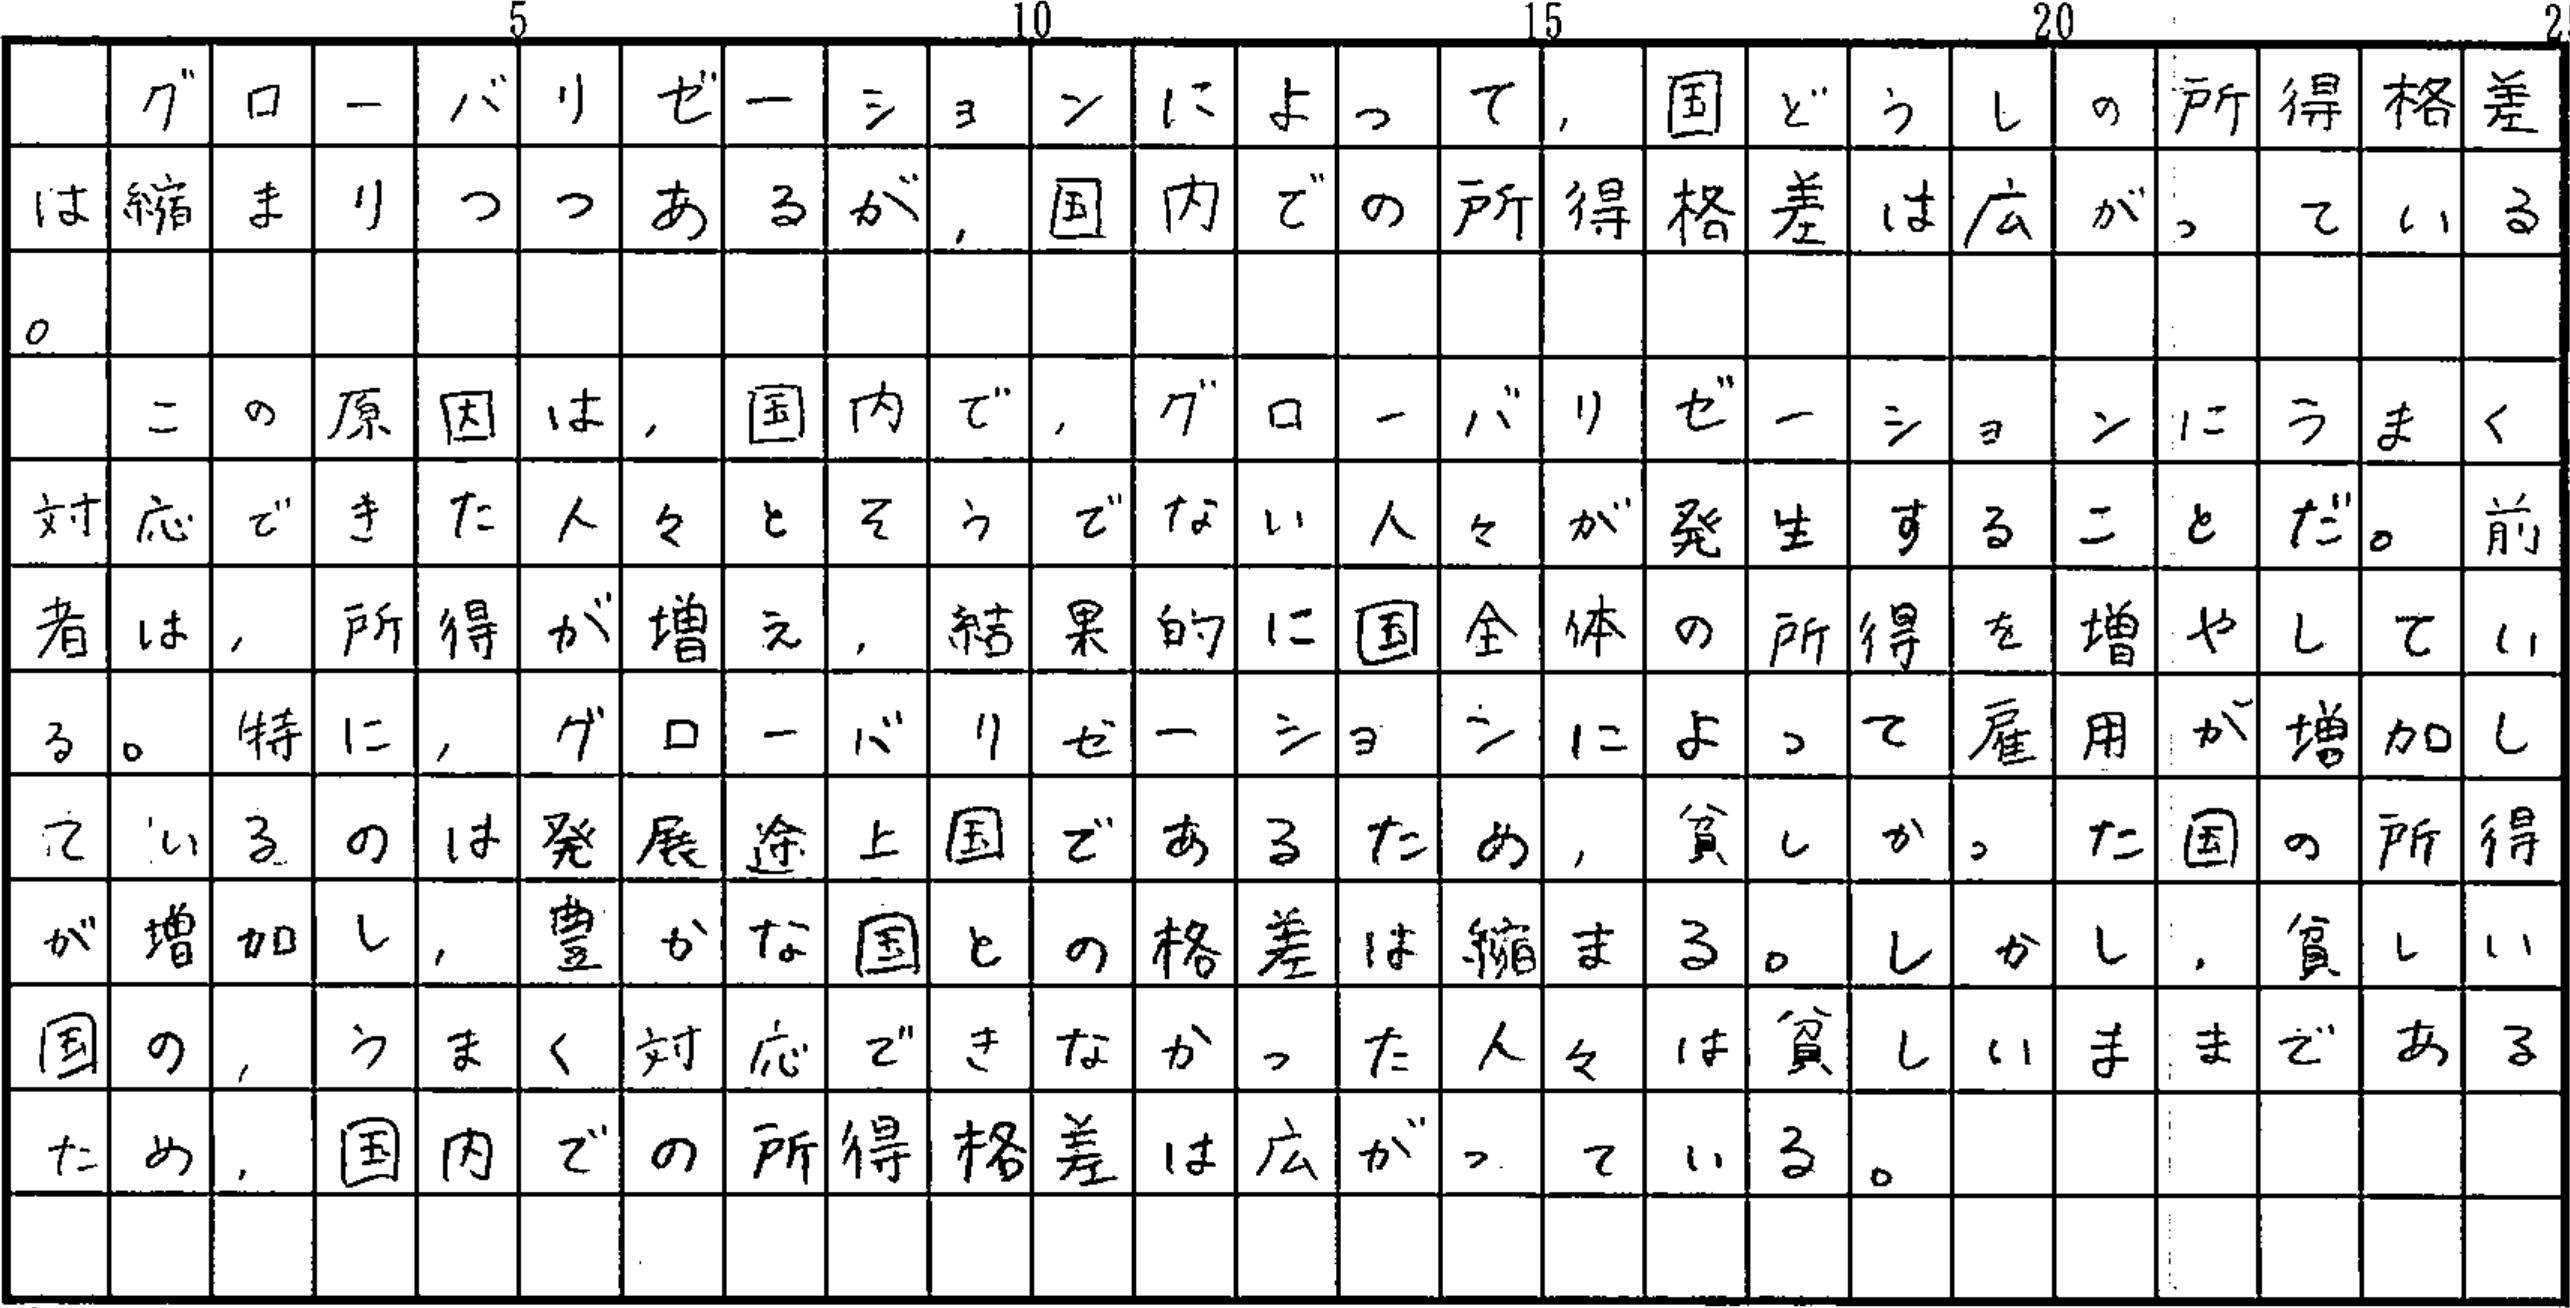　グローバリゼーションによって、国どうしの所得格差は縮まりつつあるが、国内での所得格差は広がっている。
　この原因は、国内で、グローバリゼーションにうまく対応できた人々とそうでない人々が発生することだ。前者は、所得が増え、結果的に国全体の所得を増やしている。特に、グローバリゼーションによって雇用が増加しているのは発展途上国であるため、貧しかった国の所得が増加し、豊かな国との格差は縮まる。しかし、貧しい国の、うまく対応できなかった人々は貧しいままであるため、国内での所得格差は広がっている。
